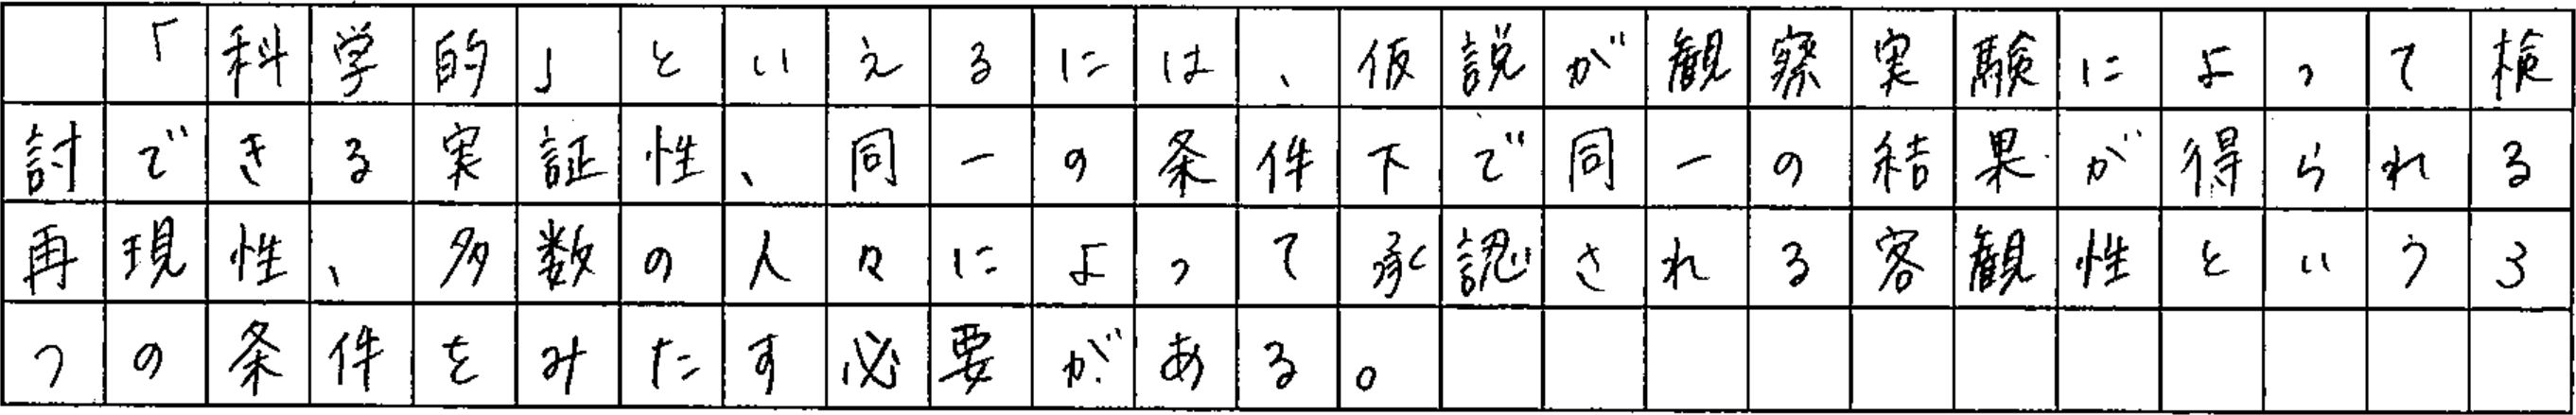　「科学的」といえるには、仮説が観察実験によって検討できる実証性、同一の条件下で同一の結果が得られる再現性、多数の人々によって承認される客観性という３つの条件をみたす必要がある。
